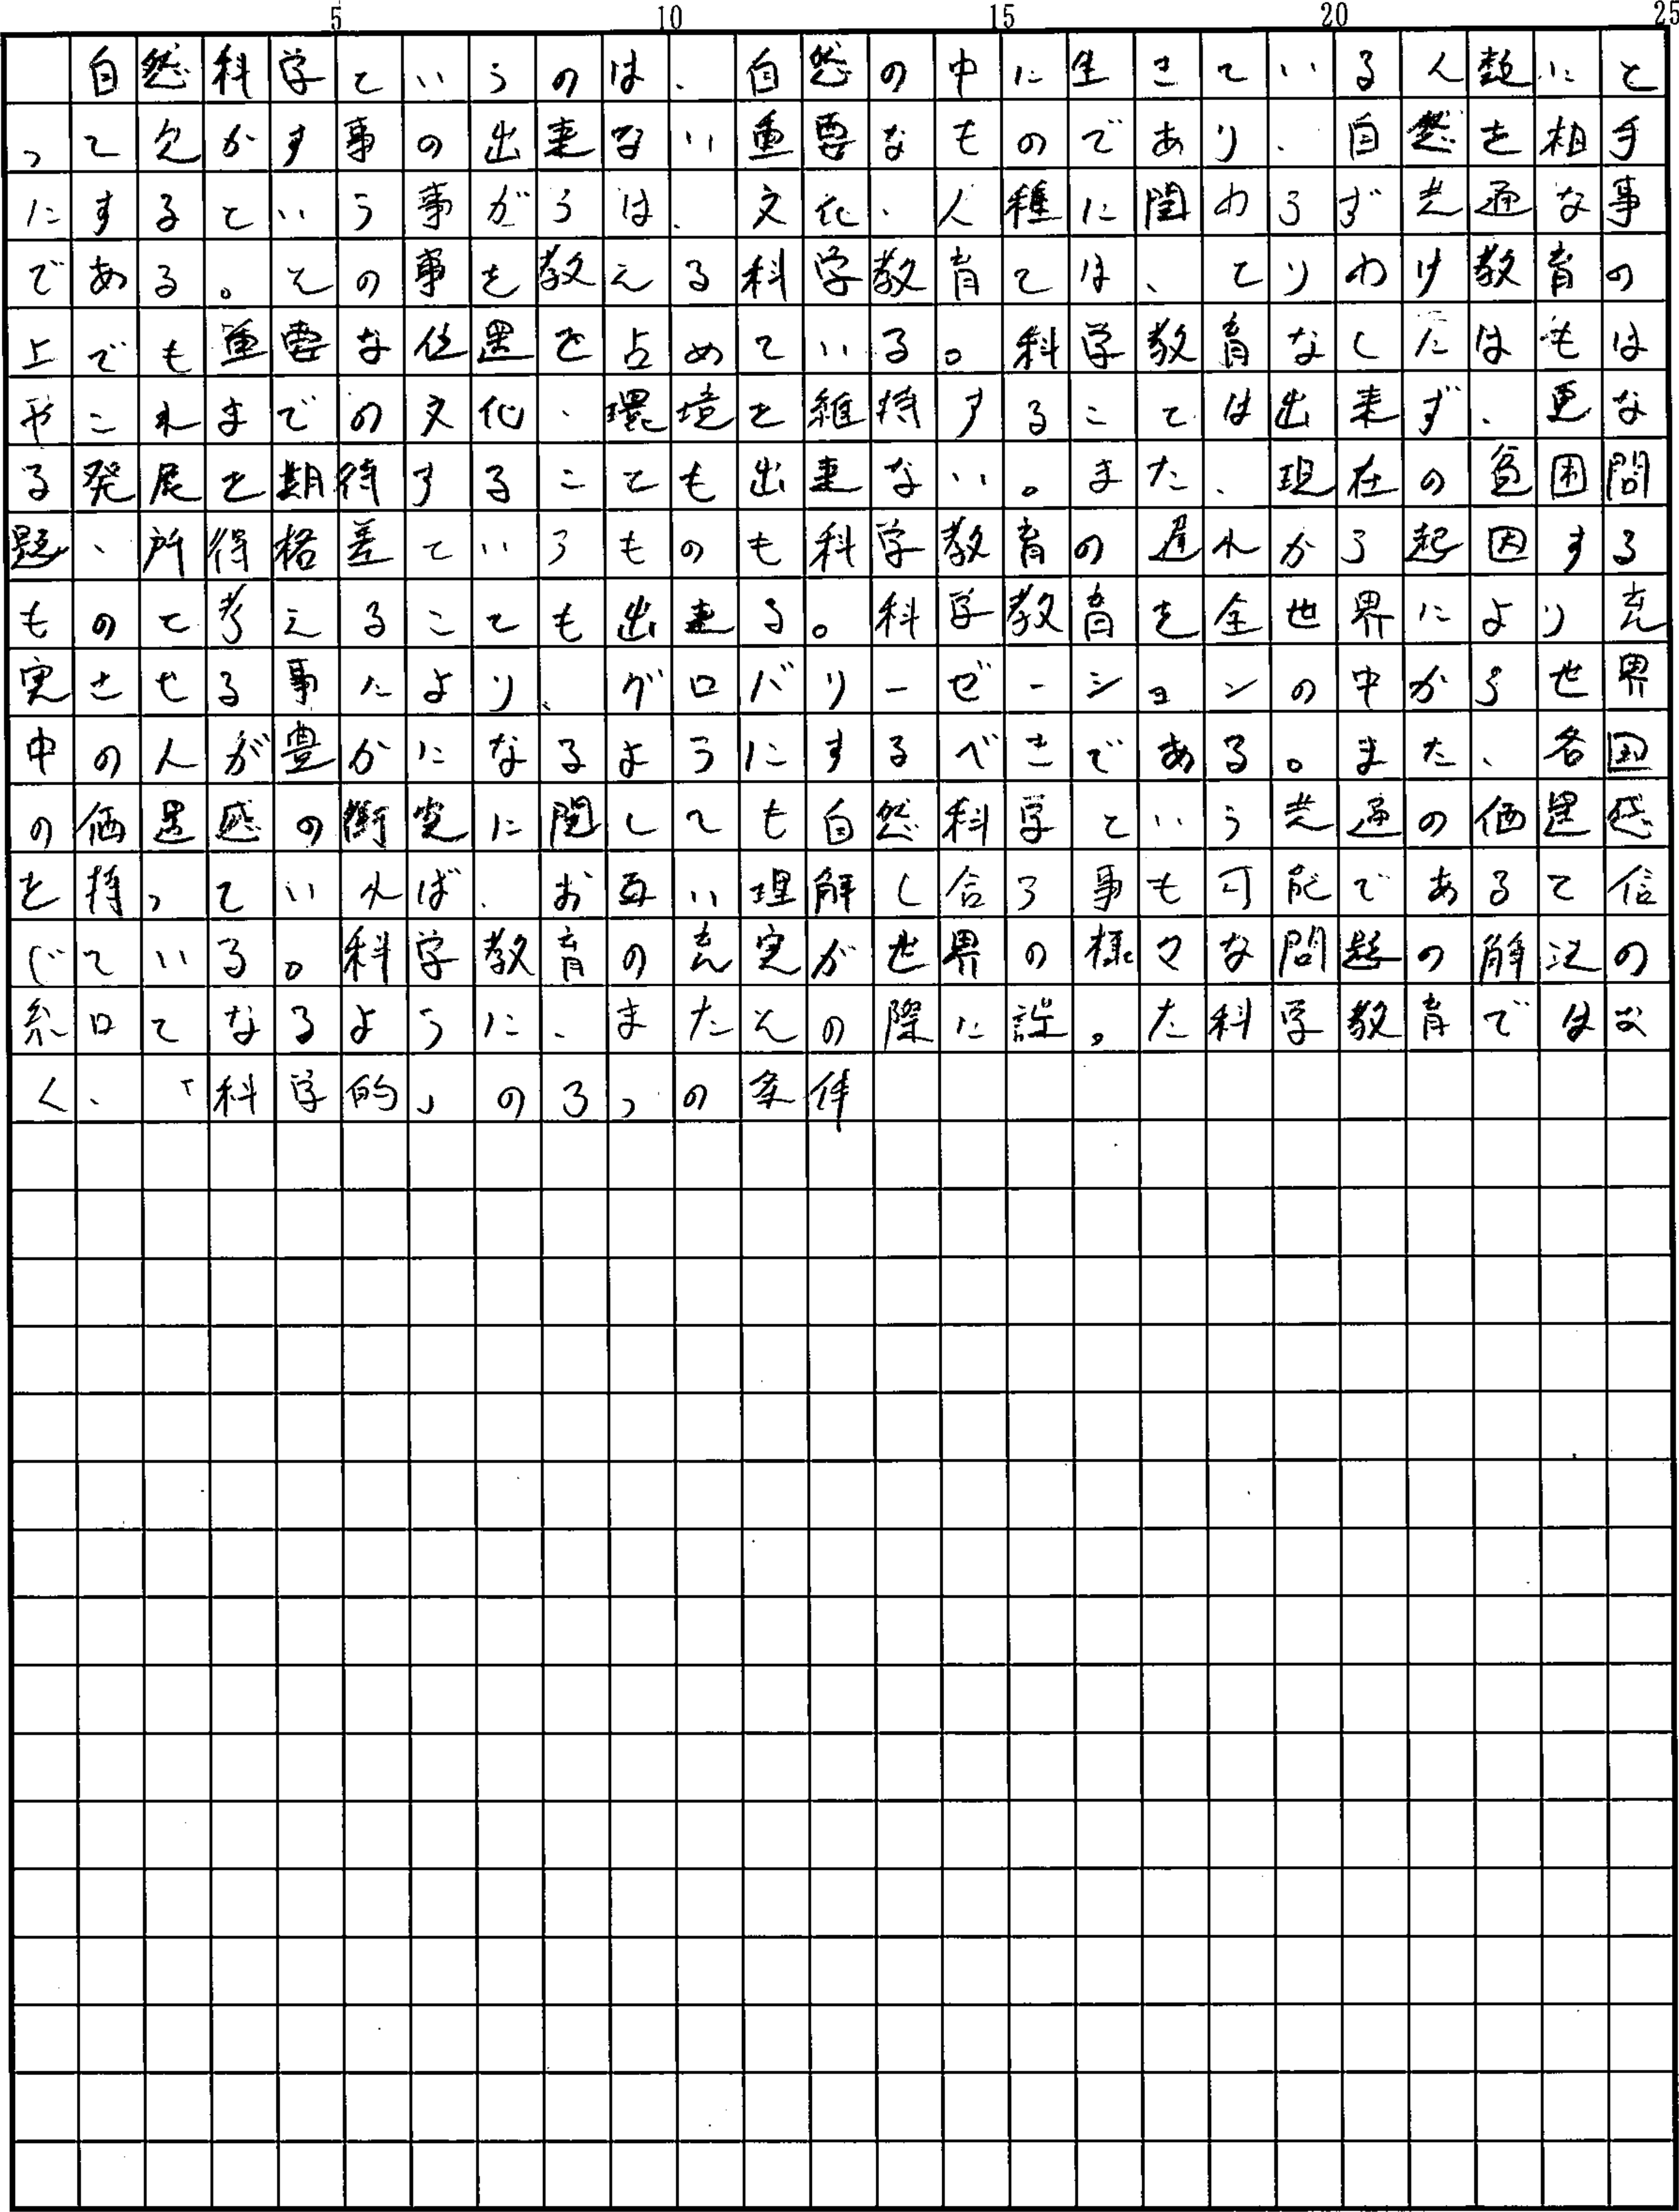　自然科学というのは、自然の中に生きている人類にとって欠かす事の出来ない重要なものであり、自然を相手にするという事がらは、文化、人種に関わらず共通な事である。その事を教える科学教育とは、とりわけ教育の上でも重要な位置を占めている。科学教育なしにはもはやこれまでの文化・環境を維持することは出来ず、更なる発展を期待することも出来ない。また、現在の貧困問題、所得格差というものも科学教育の遅れから起因するものと考えることも出来る。科学教育を全世界により充実させる事により、グロバリーゼーションの中から世界中の人が豊かになるようにするべきである。また、各国の価置感の衝突に関しても自然科学という共通の価置感を持っていれば、お互い理解しあう事も可能であると信じている。科学教育の充実が世界の様々な問題の解決の糸口となるように、またその際に誤った科学教育ではなく、「科学的」の３つの条件
